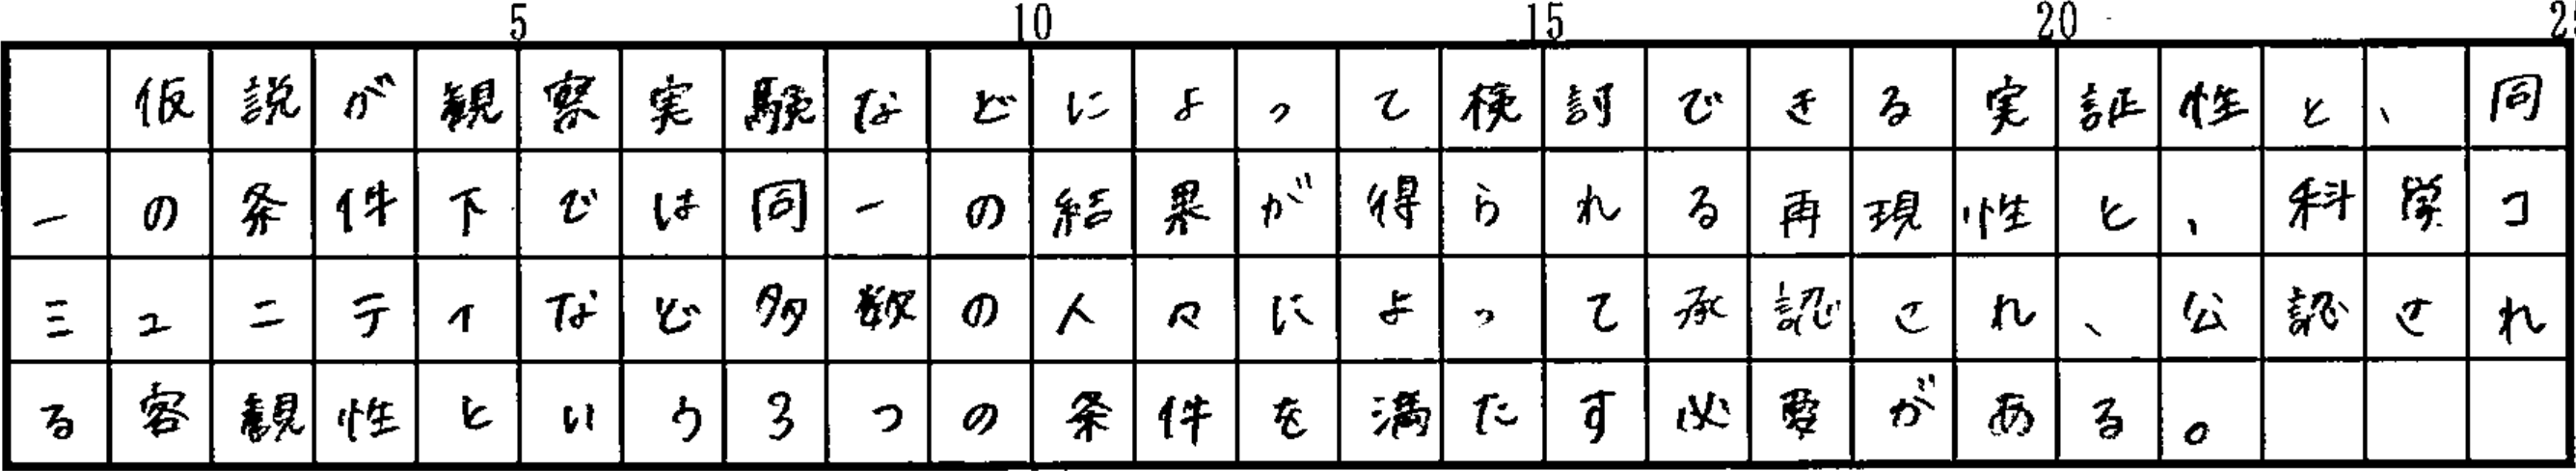　仮説が観察実験などによって検討できる実証性と、同一の条件下では同一の結果が得られる再現性と、科学コミュニティなど多数の人々によって承認され、公認される客観性という３つの条件を満たす必要がある。
